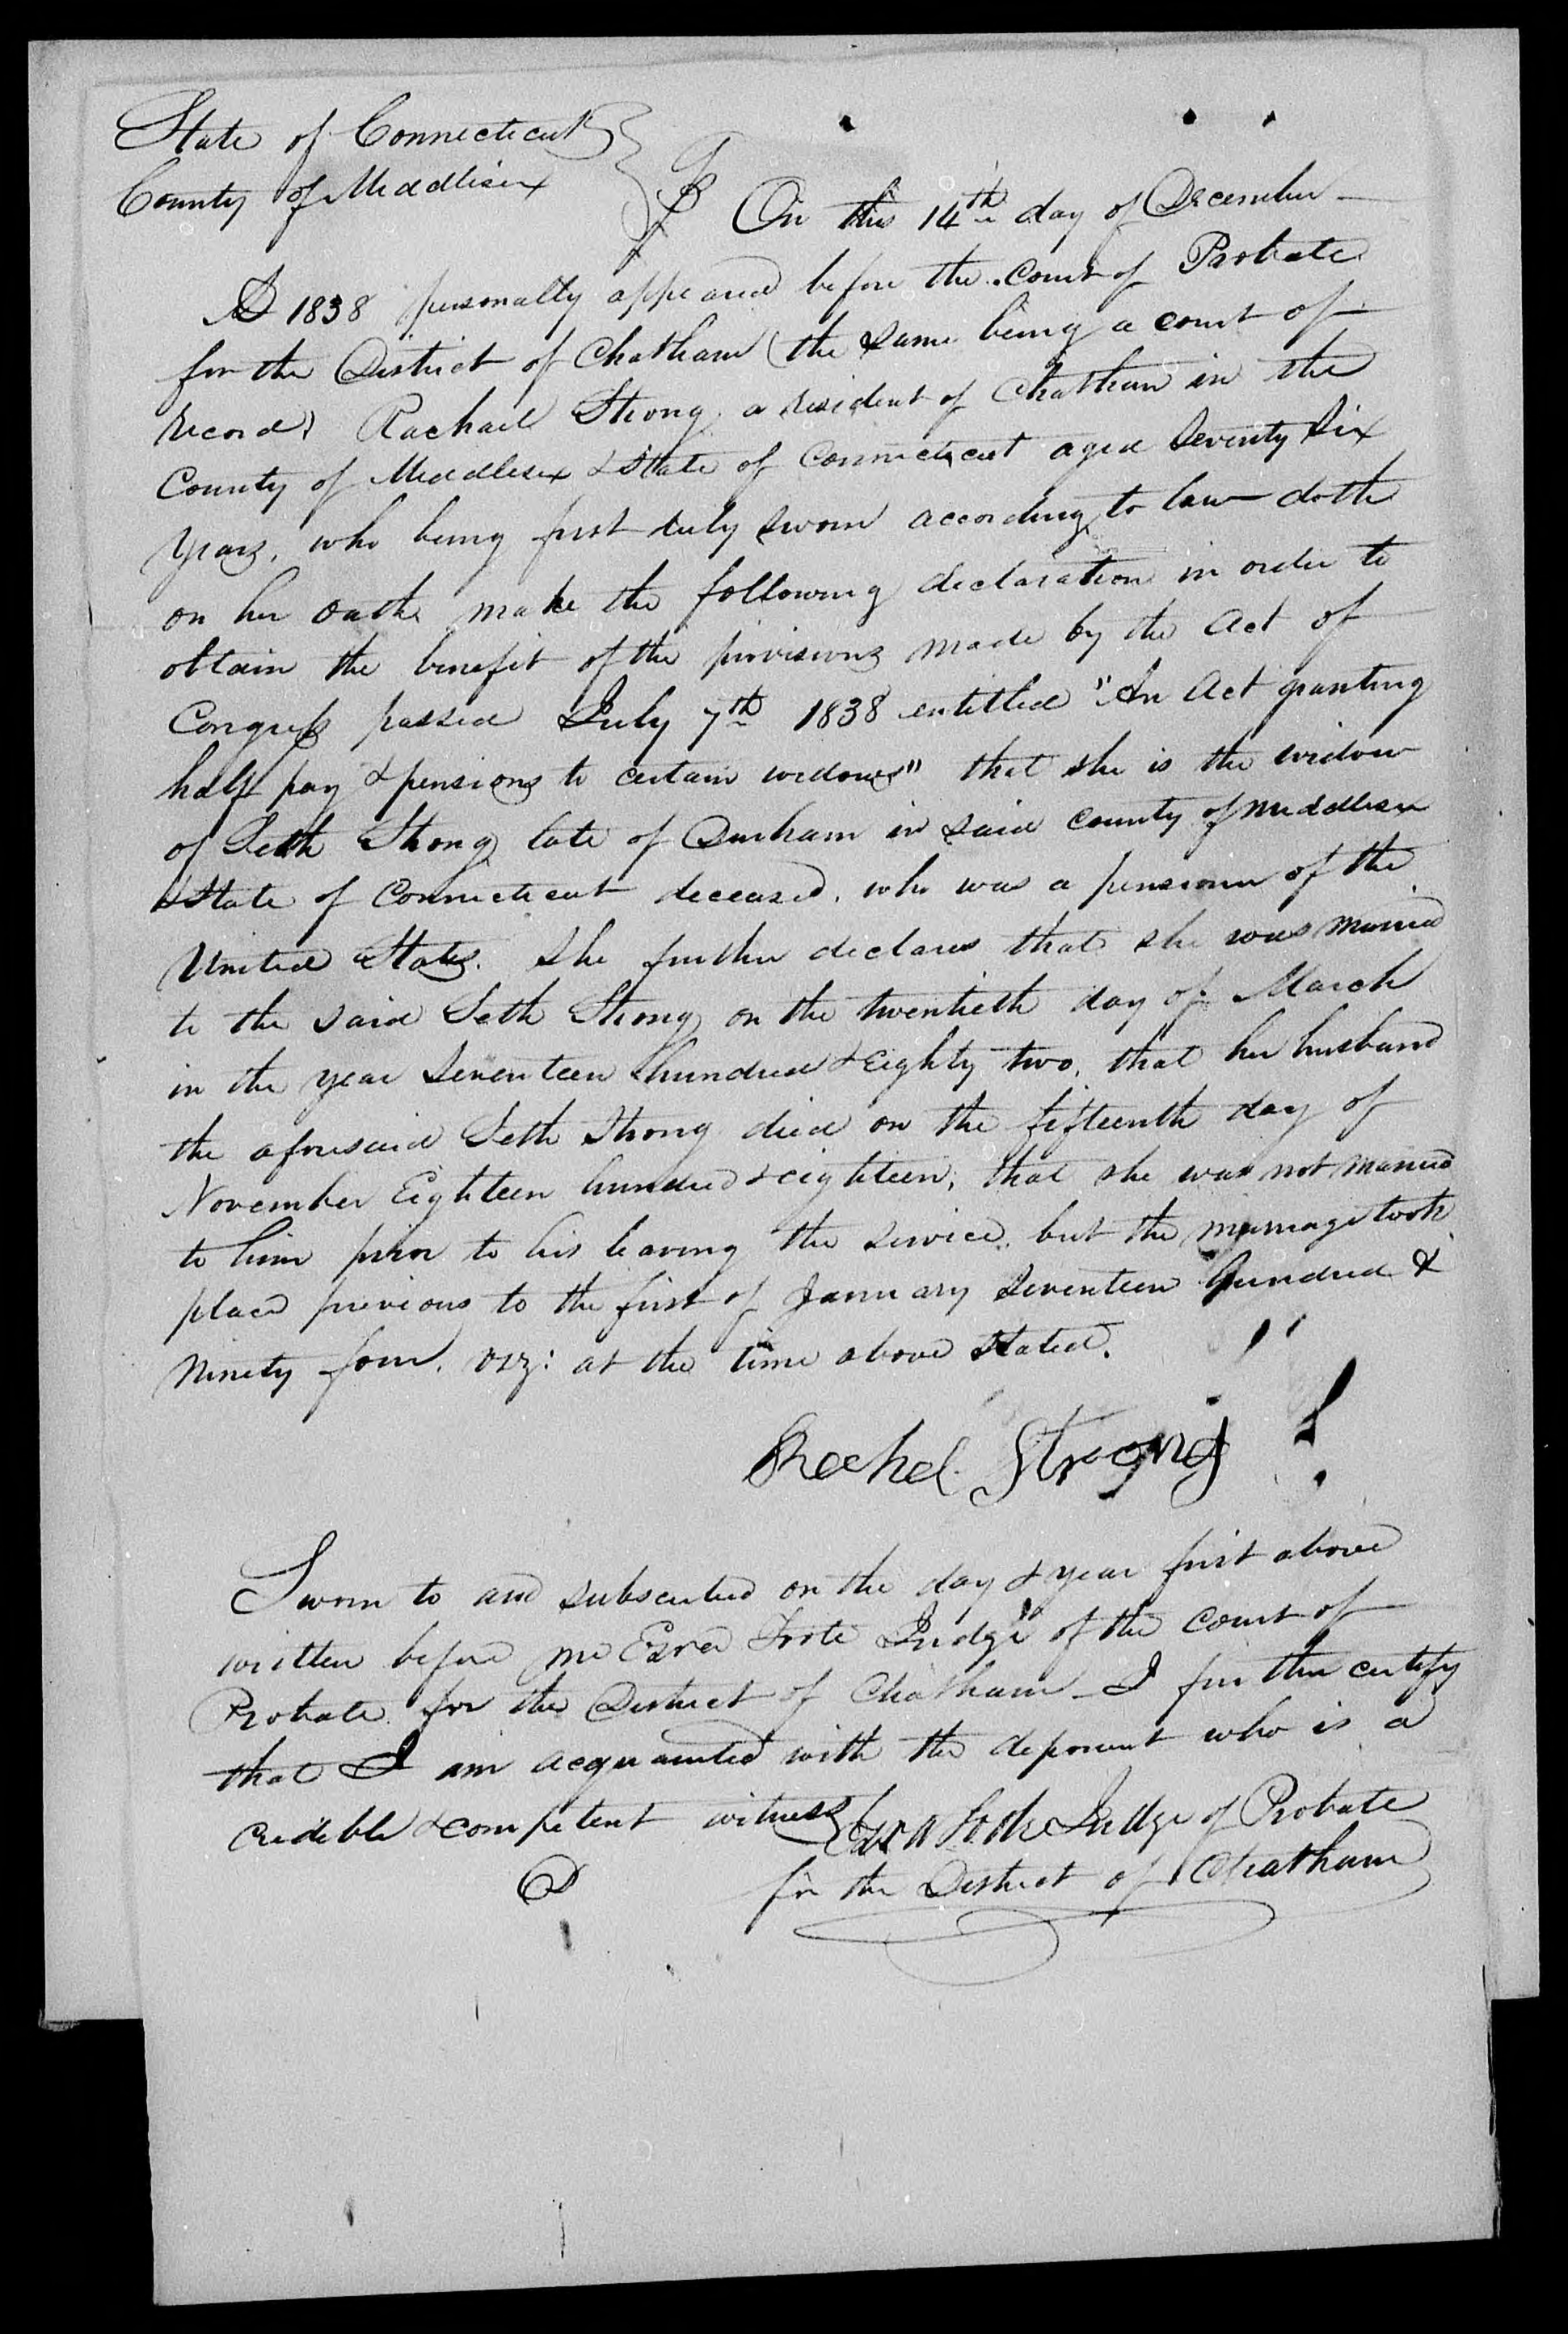State of Connecticut
County of Middlesex ss
On this 14th day of December - AD 1838 personally appeared before the Court of Probate for the District of Chatham (the same being a court of record) Rachael Strong a resident of Chatham in the County of Middlesex & State of Connecticut aged Seventy Six years, who being first duly Sworn according to law doth on her oath make the following declaration in order to obtain the benefit of the provisions made by the Act of Congress passed July 7th 1838 entitled "An Act granting half pay & pensions to certain widows" that she is the widow of Seth Strong late of Durham in said County of Middlesex & State of Connecticut deceased, who was a pensioner of the United States. She further declares that she was married to the said Seth Strong on the twentieth day of March in the year Seventeen hundred & Eighty two, that her husband the aforesaid Seth Strong died on the fifteenth day of November Eighteen hundred & eighteen, that she was not married to him prior to his leaving the Service, but the marriage took place previous to the first of January Seventeen Hundred & Ninety four, viz: at the time above stated.

Rachel Strong

Sworn to and subscribed on the day & year first above written before me Ezra Foote Judge of the Court of Probate for the District of Chatham - I further certify that I am acquainted with the deponent who is a credible & competent witness

D
Ezra Foote Judge of Probate
for the District of Chatham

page: 13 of 47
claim: widow's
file: W. 17879, for Seth Strong, Connecticut